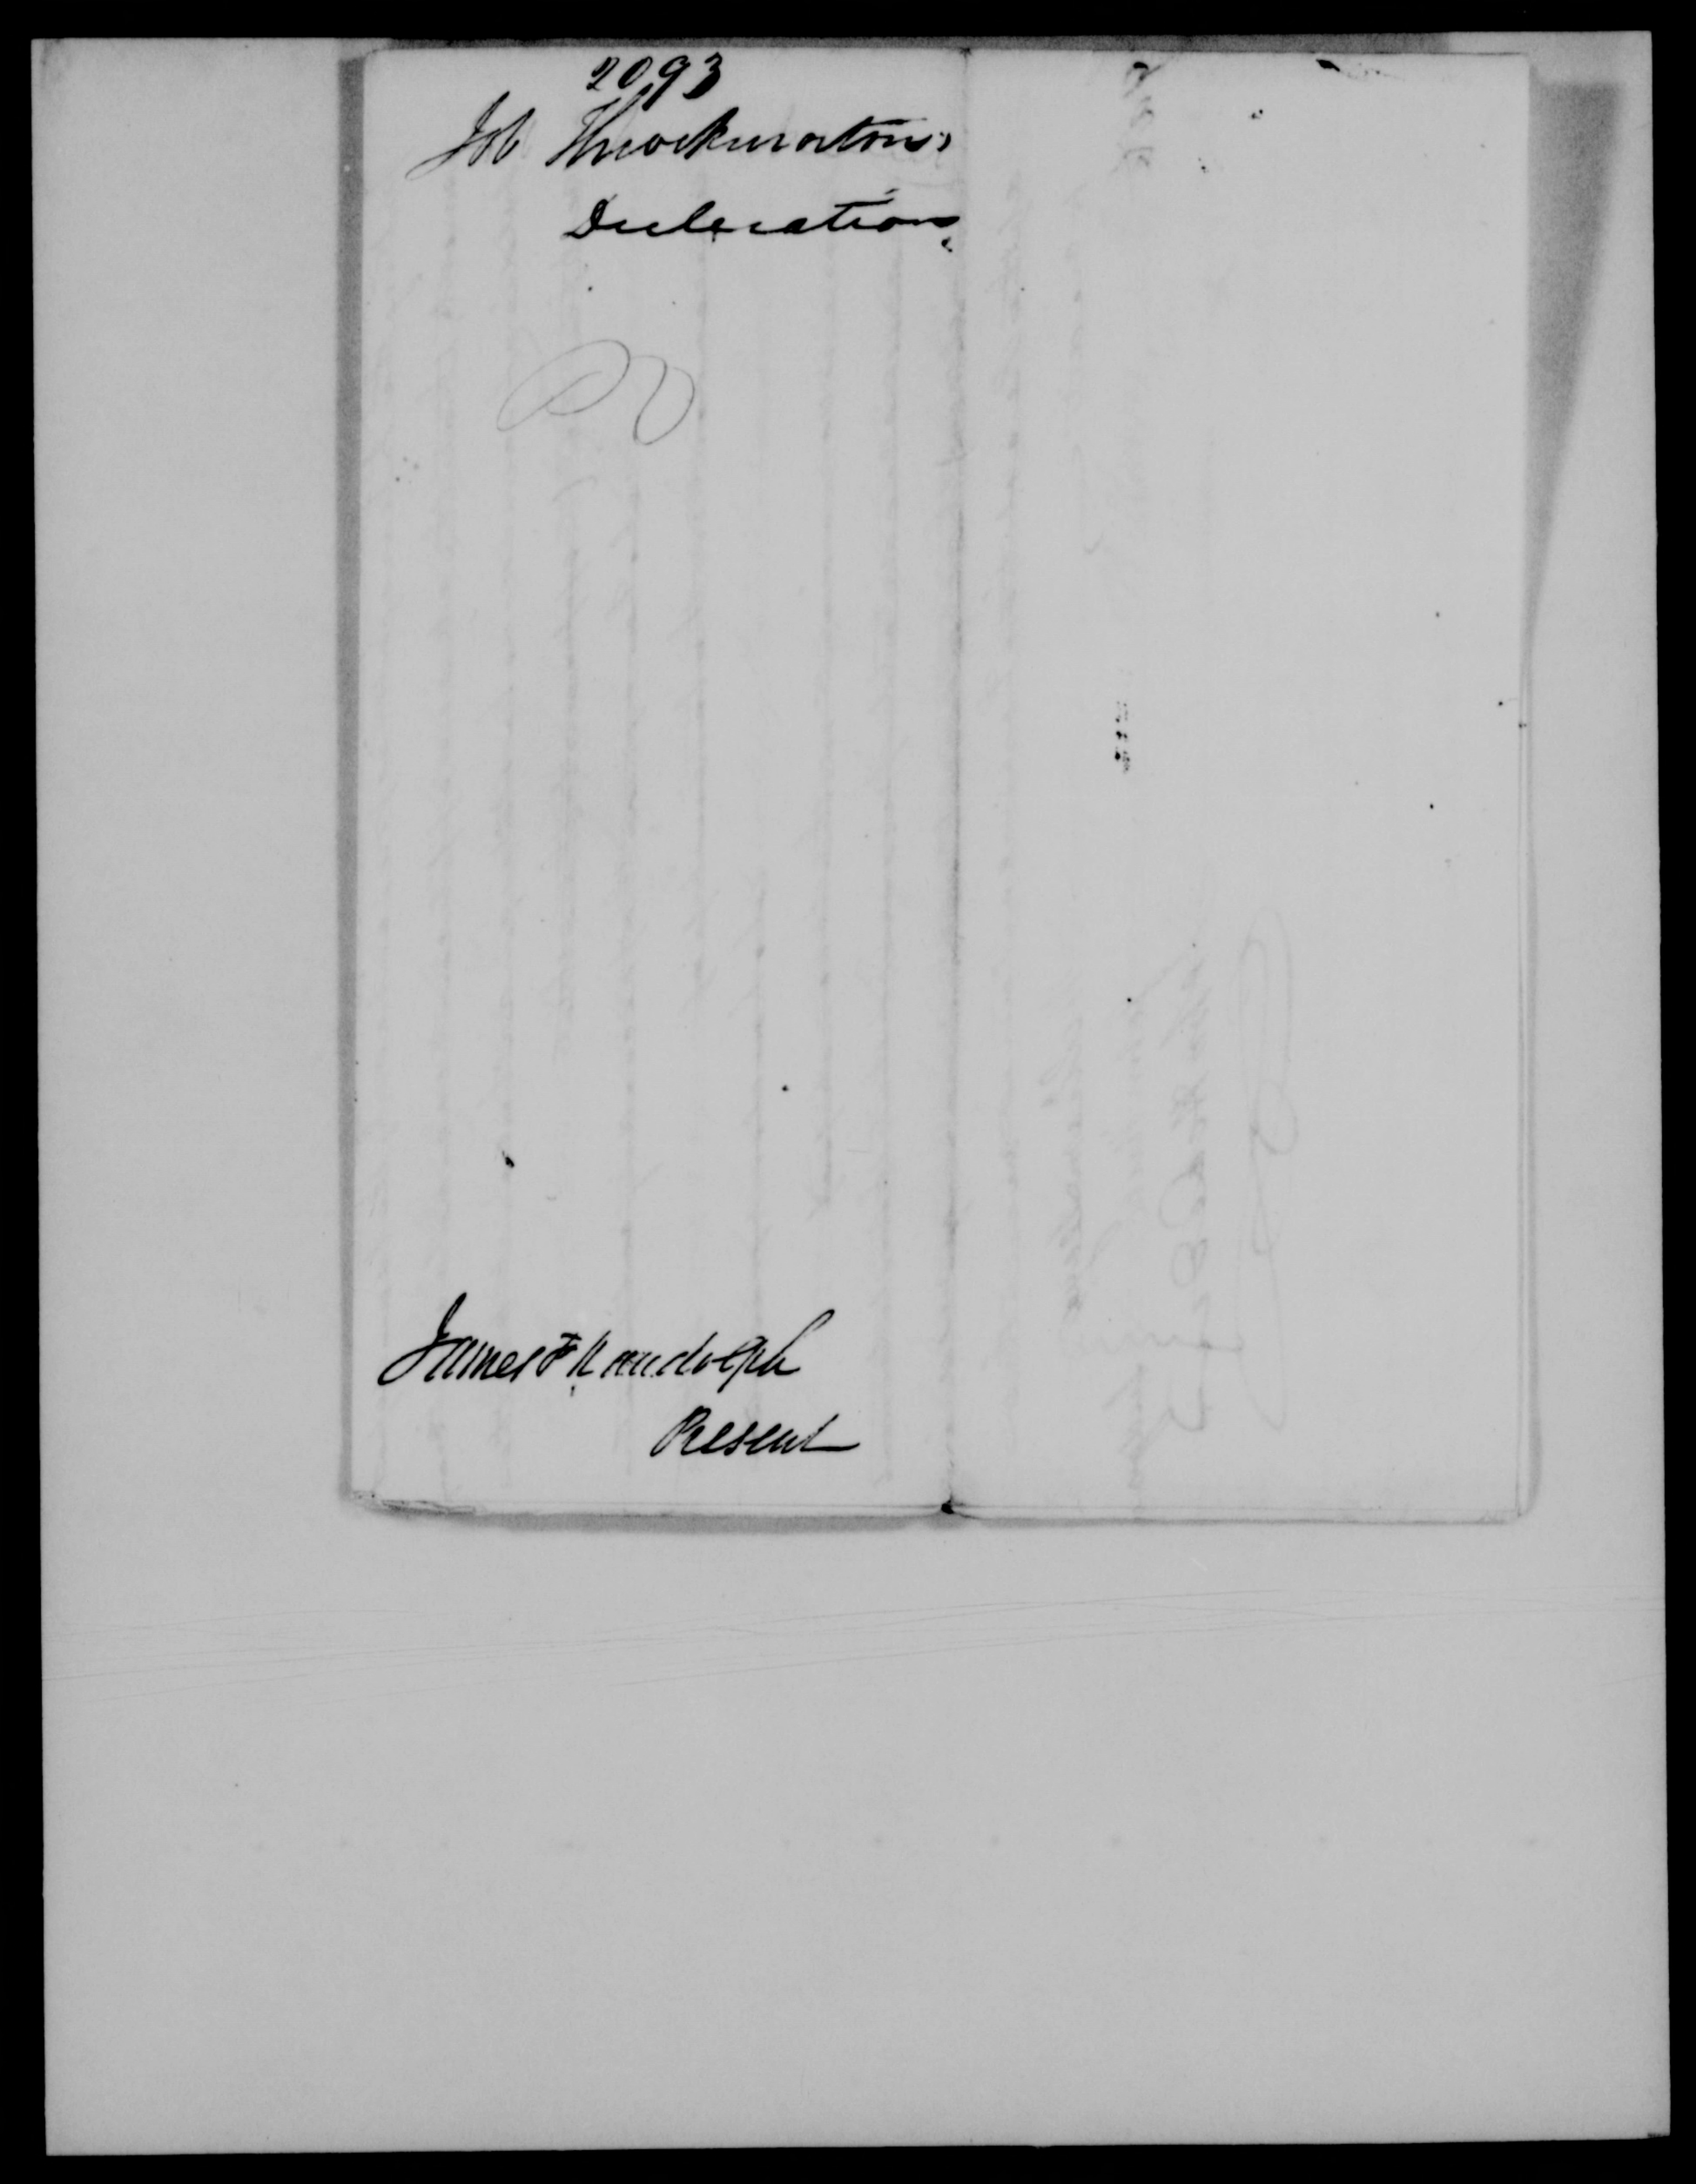2093
Job Throckmorton Declarations
James Randolph Present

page: 3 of 14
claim: survivor's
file: S. 764, for Job Throckmorton, New Jersey